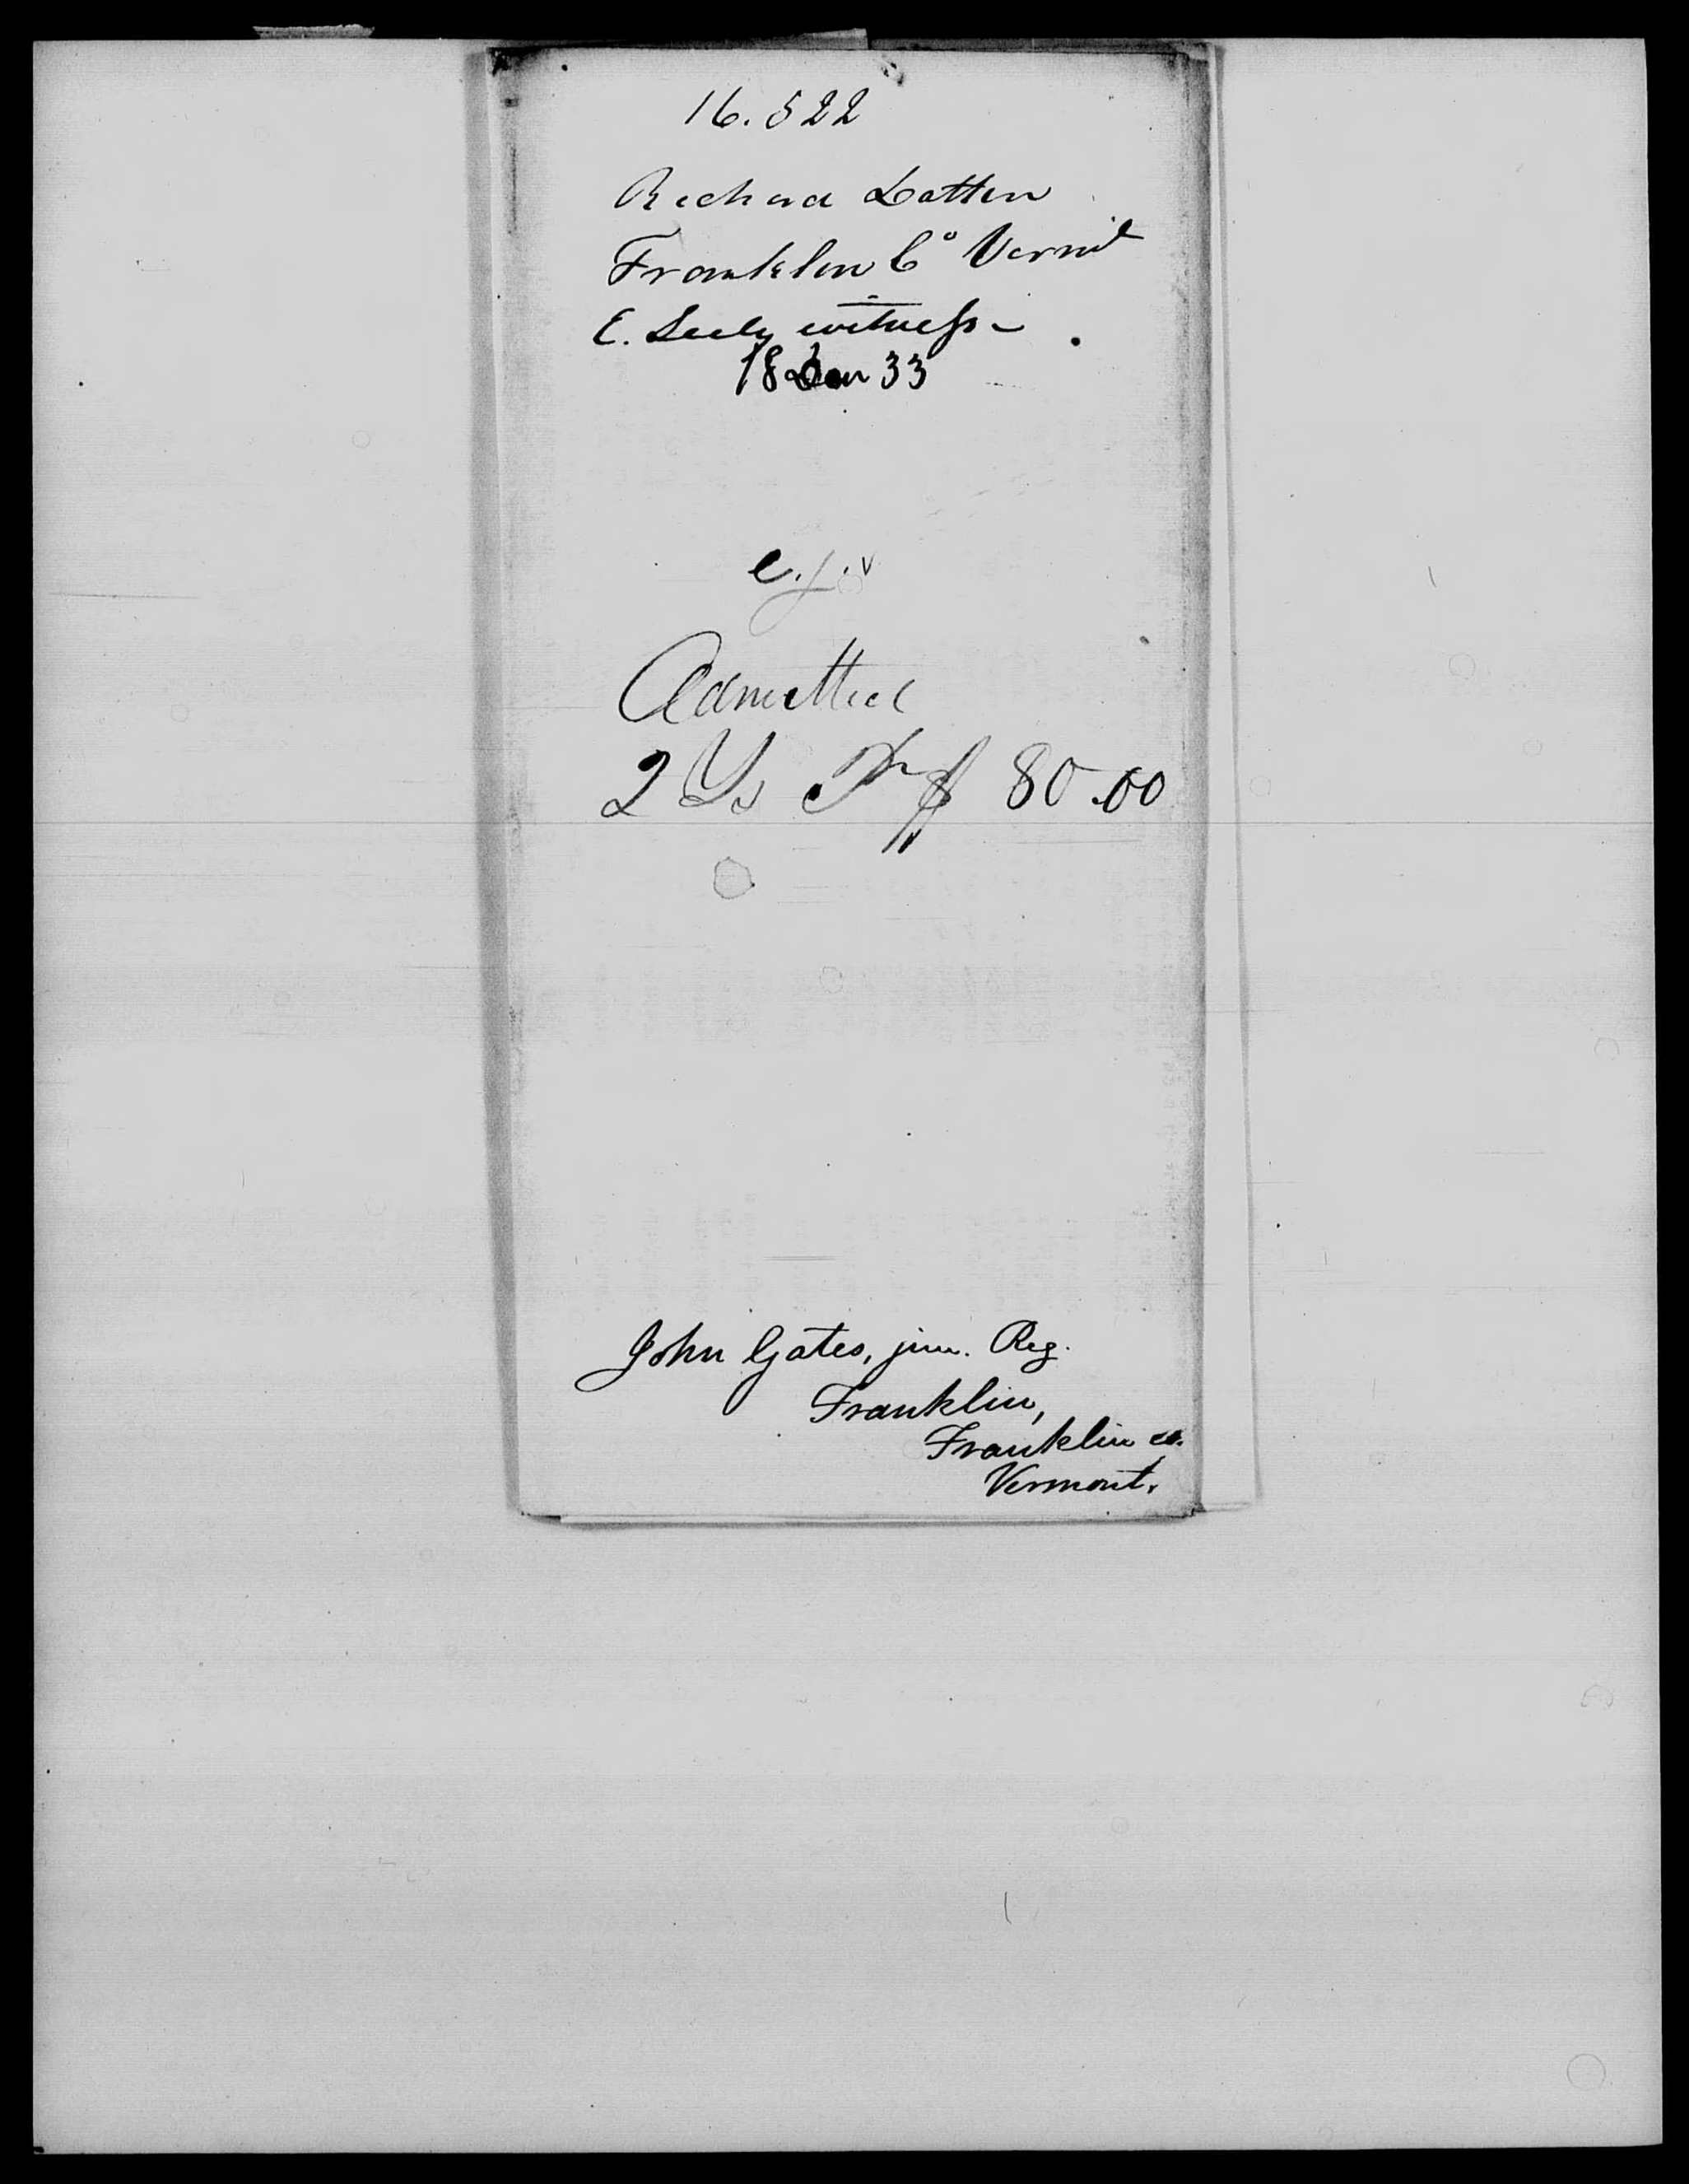16.522
Richard Lattin
Franklin Co Verm’t
E. Seely witness-
18 Dec 33
C.J.V.
Admitted
2 yrs pr $80.00 

John Gates, jnr. Reg
Franklin
Franklin Co
Vermont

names: John Gates; Richard Lattin; E Seely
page: 13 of 99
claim: widow's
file: W. 24,482, for Richard Lattin, Vermont